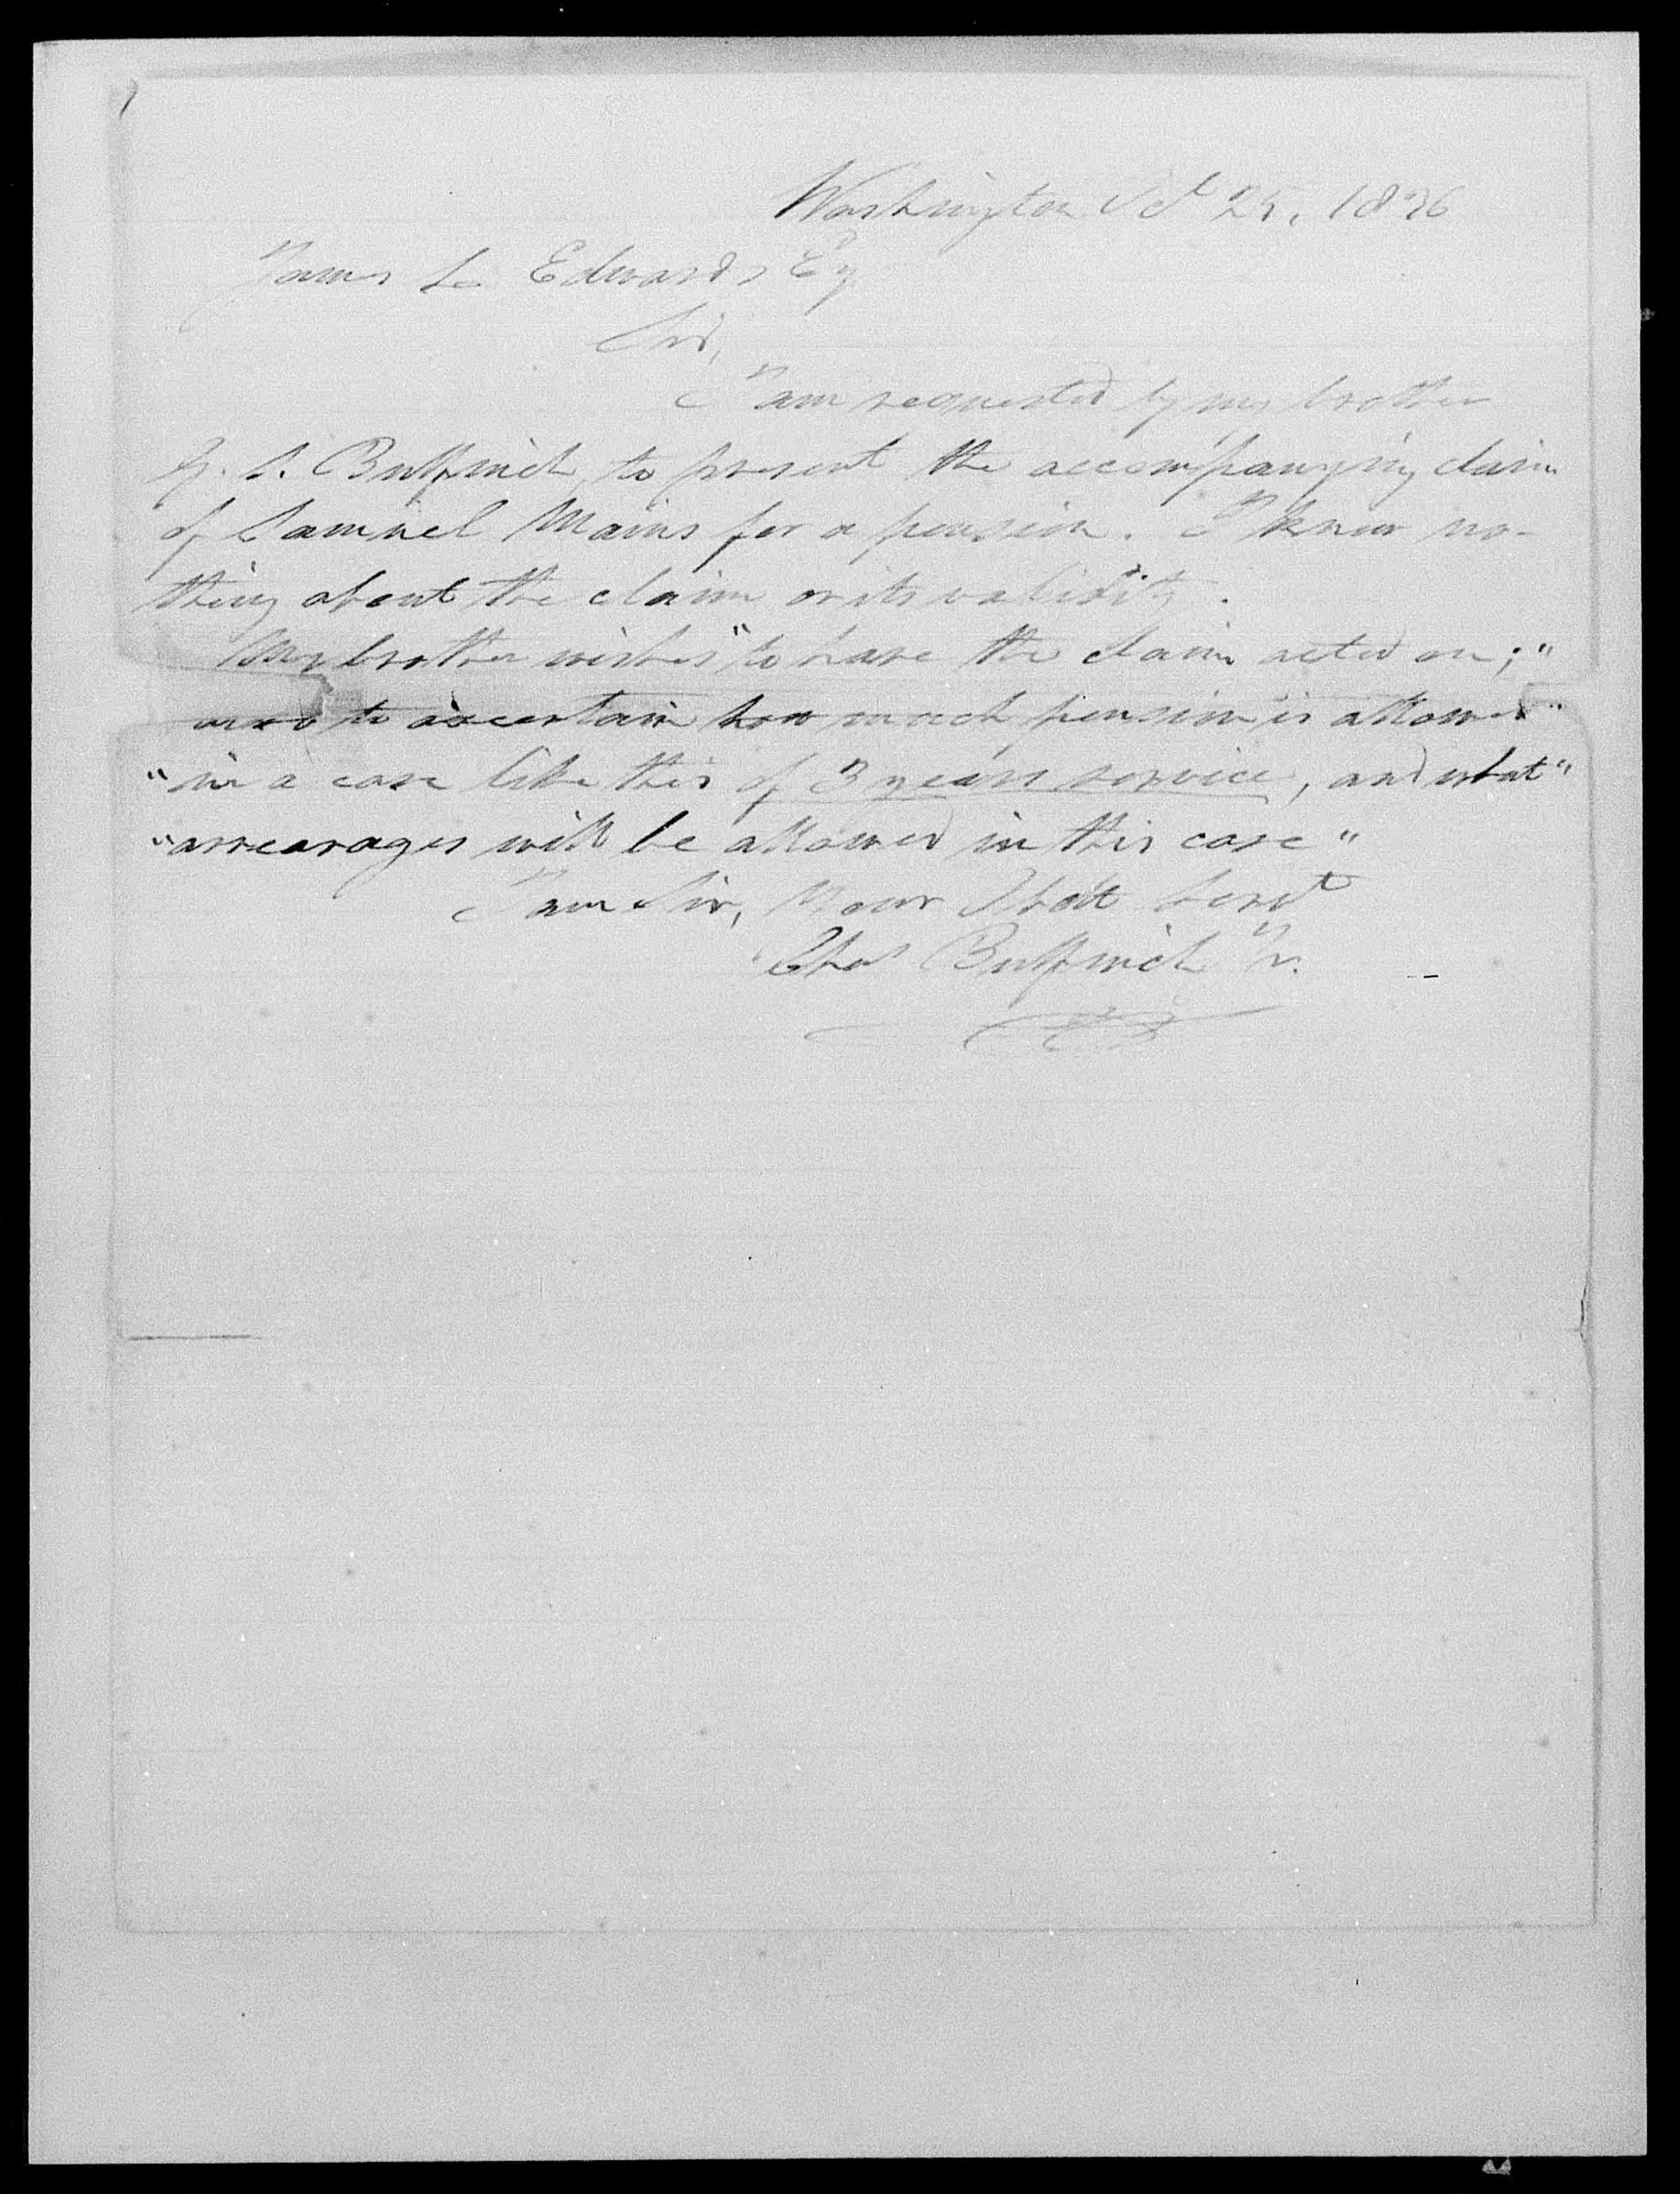[duplicate scan of page 10 of this set]

Washington Oct 25, 1836

James L Edwards Esq

Sir,
I am requested by my brother
G.S. Bulfinch to present the accompanying claim
of Samuel Mains for a pension. I know nothing
about the claim or its validity.
My brother wishes "to have the claim acted on;"
and to ascertain how much pension is allowed
"in a case like this of 3 years service, and what"
"arrearages will be allowed in this case"
I am Sir, Your Obedt Servt
Chas Bulfinch Sr.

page: 11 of 11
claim: rejected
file: R 6837, for Samuel Mains, Maryland